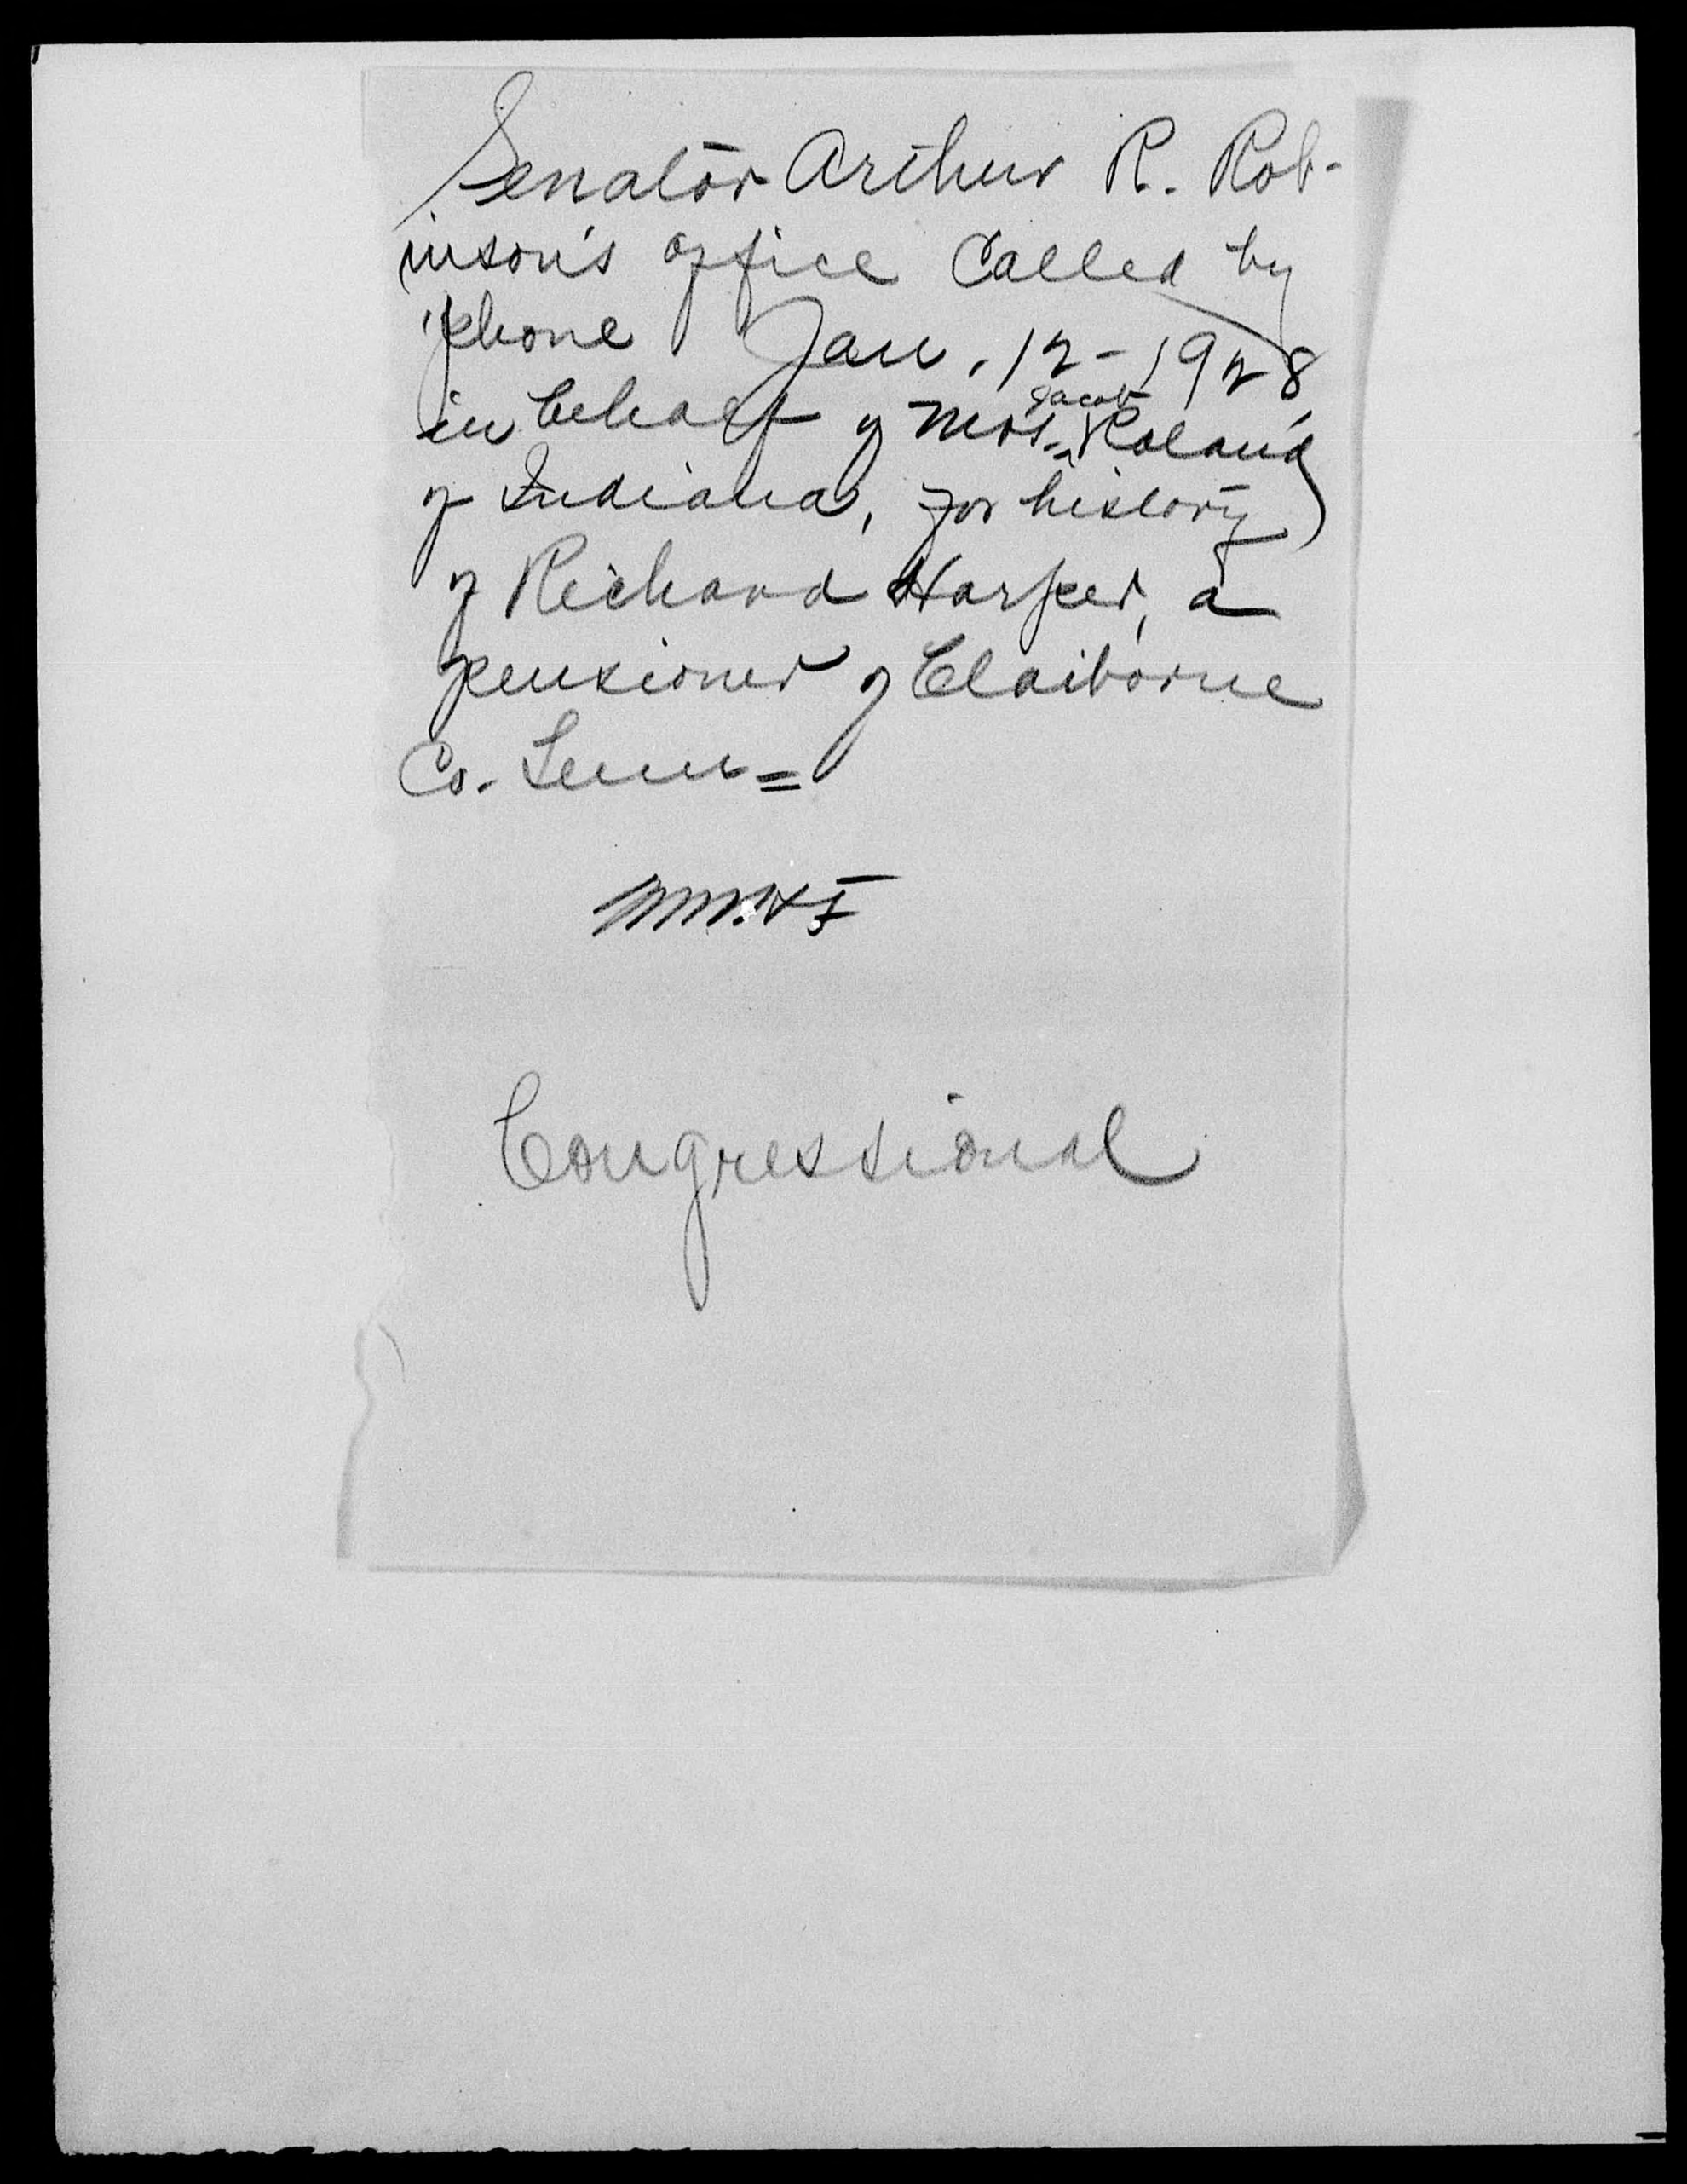Senator Arthur R. Robinson's
office called by
'phone Jan, 12 -1928
in behalf of Mrs. Jacob Roland
of Indiana, for history
of Richard Harper a
pensioner of Claiborne
Co. Lee
M M& F
Congressional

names: Jacob Roland, Arthur R Robinson, Richard Harper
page: 45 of 81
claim: survivor's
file: S. 1908, Richard Harper, N.C.